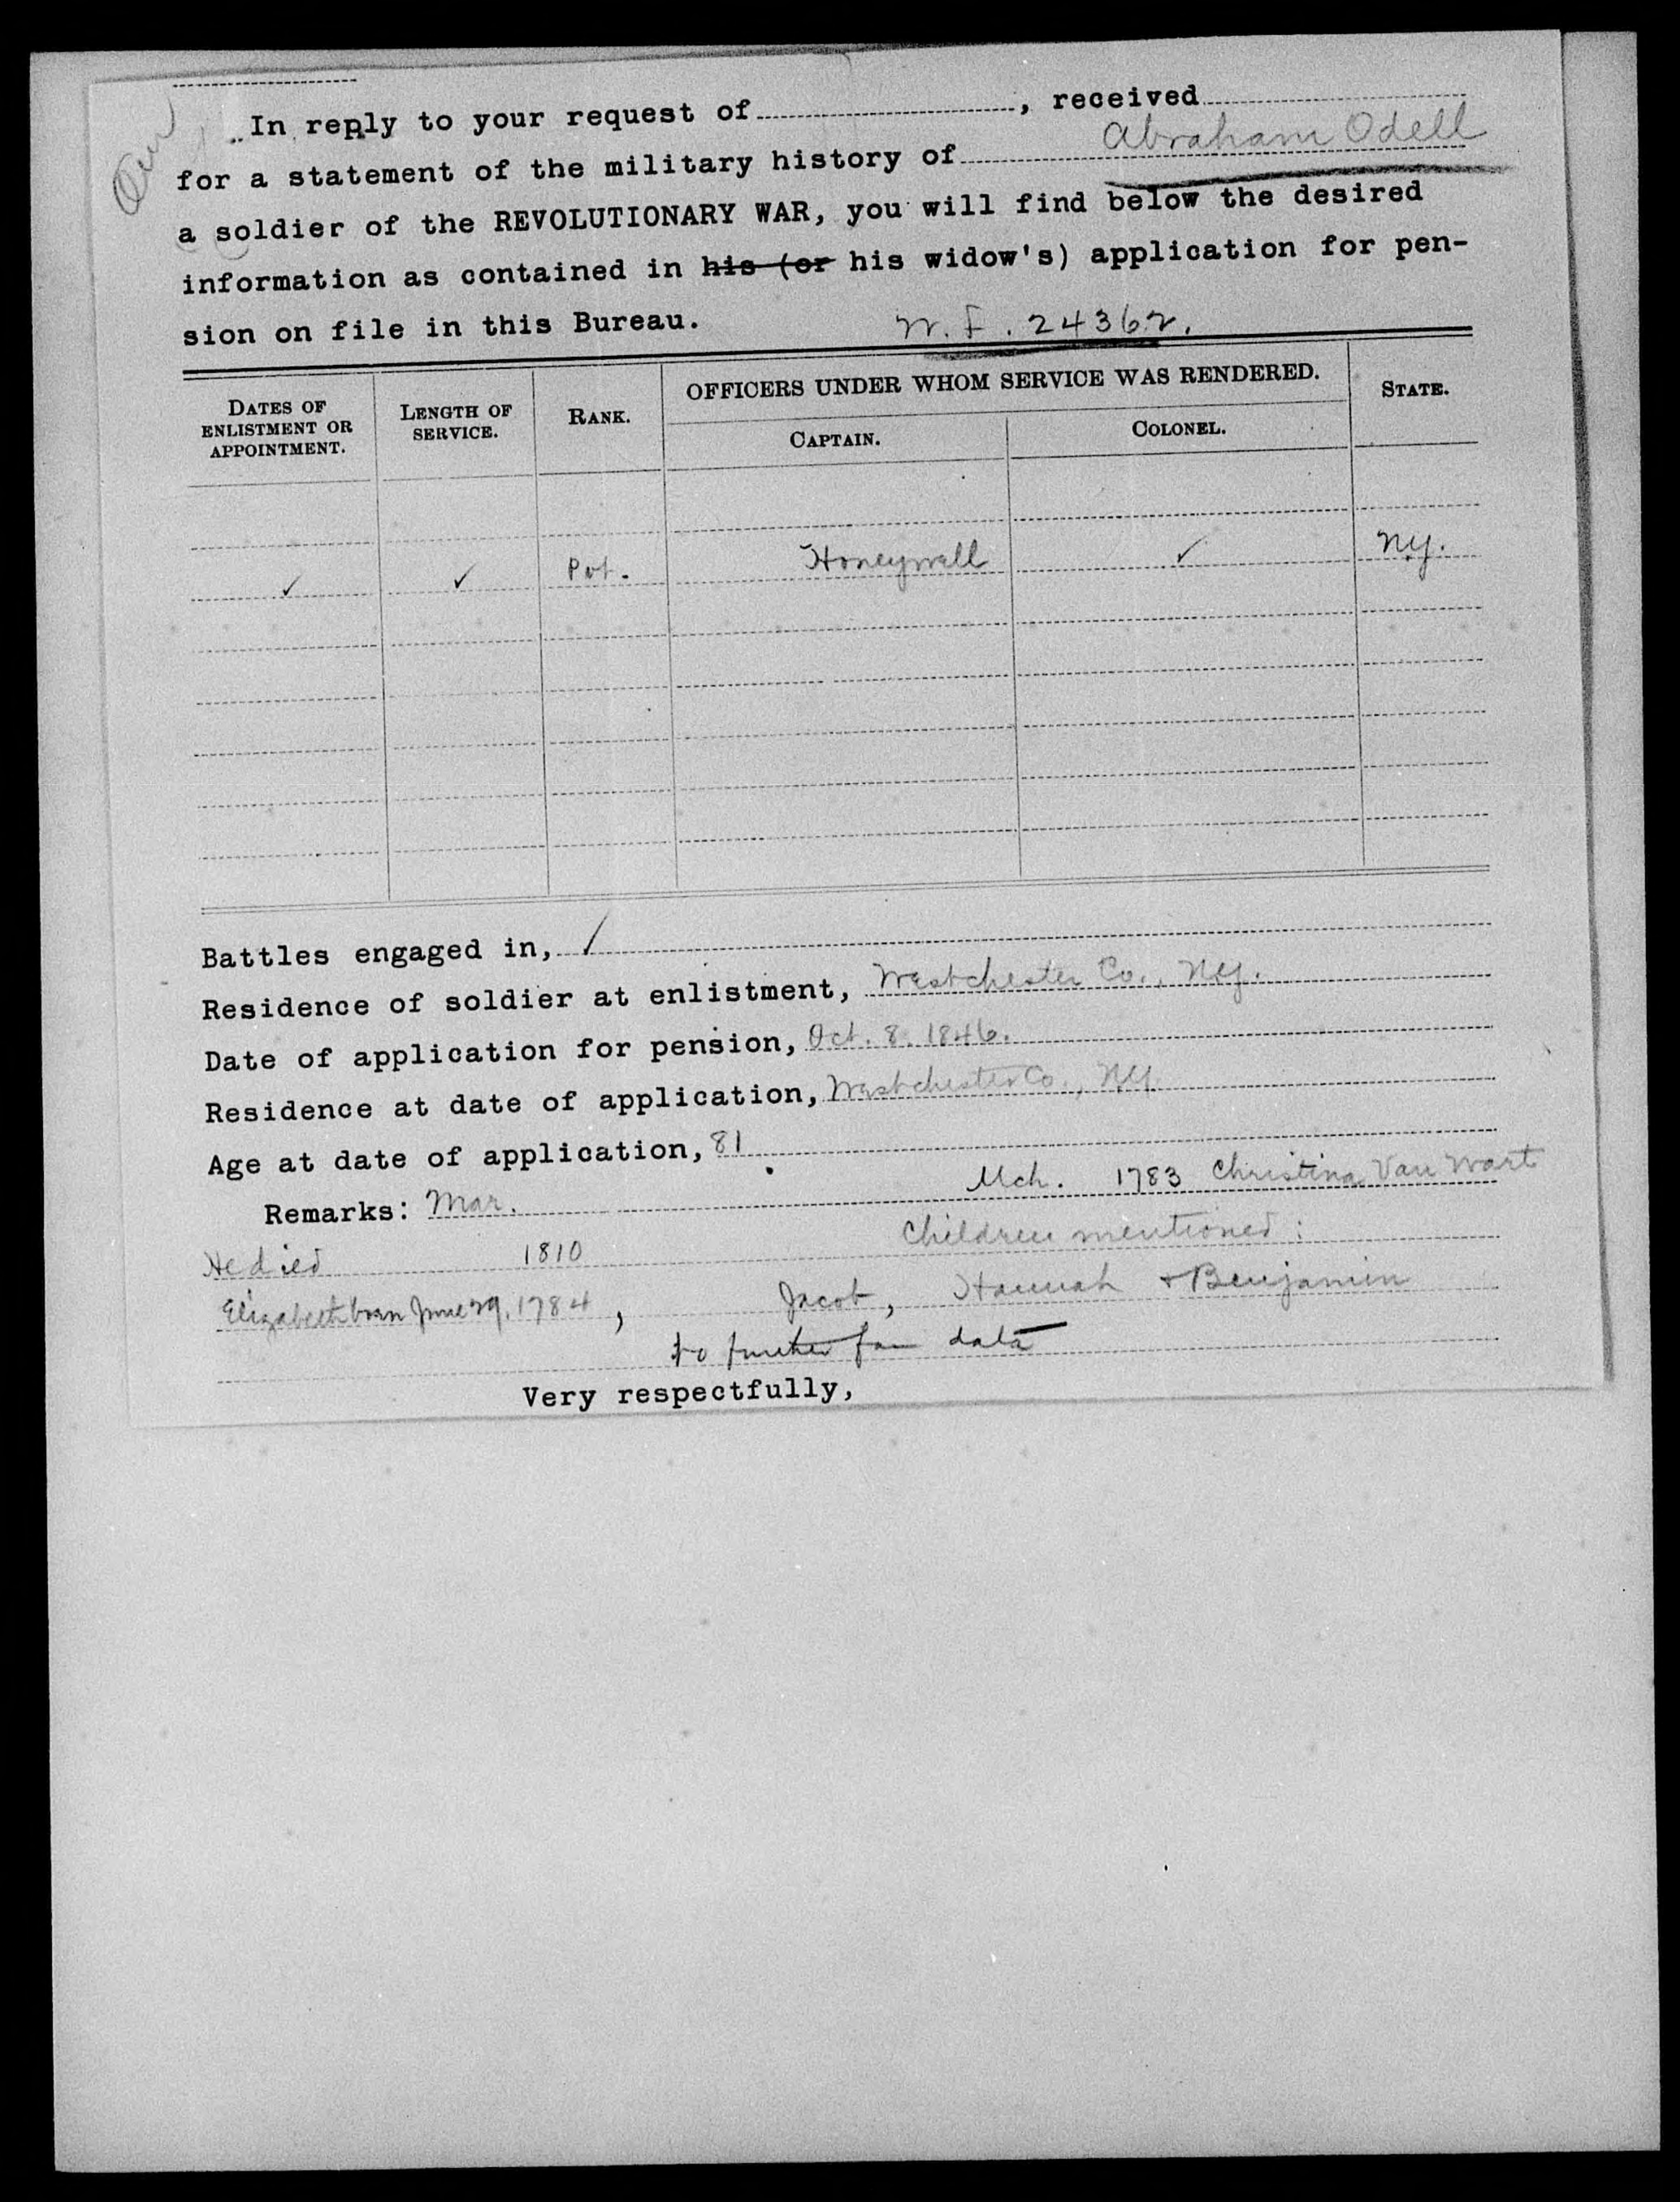[printed form with hand written responses] 
Am In reply to your request of ____ , received ____ for a statement of the military history of Abraham Odell [name underlined] a soldier of the REVOLUTIONARY WAR, you will find below the desired information as contained in [his (or -- crossed out] his widow's) application for pension on file in this Bureau. W. F. 24362.
============== 
[table with 6 columns and 2 rows including row of column headings] 
[row 1 column headings] DATES OF ENLISTMENT OR APPOINTMENT. | LENGTH OF SERVICE. | RANK. | OFFICERS UNDER WHOM SERVICE WAS RENDERED. CAPTAIN. | COLONEL. | STATE. 
[row 2] [check mark] | [check mark] | Pvt. | Honeywell | [check mark] | NY.

Battles engaged in, 1 
Residence of soldier at enlistment, Westchester Co., NY.
Date of application for pension, Oct. 8. 1846.
Residence at date of application, Westchester Co., NY.
Age at date of application, 81
Remarks: Mar. Mch. 1783 Christina Van Wart He died 1810 Children mentioned: Elizabeth born June 29, 1784, Jacob, Hannah & Benjamin [illegible] further for data -- 
Very respectfully,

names: Hannah [BLANK]; Abraham Odell; Jacob [BLANK]; Elizabeth [BLANK]; Benjamin [BLANK]; Christina Van Wart; [BLANK] Honeywell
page: 11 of 19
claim: widow's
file: W. 24363, for Abraham Odell, New York